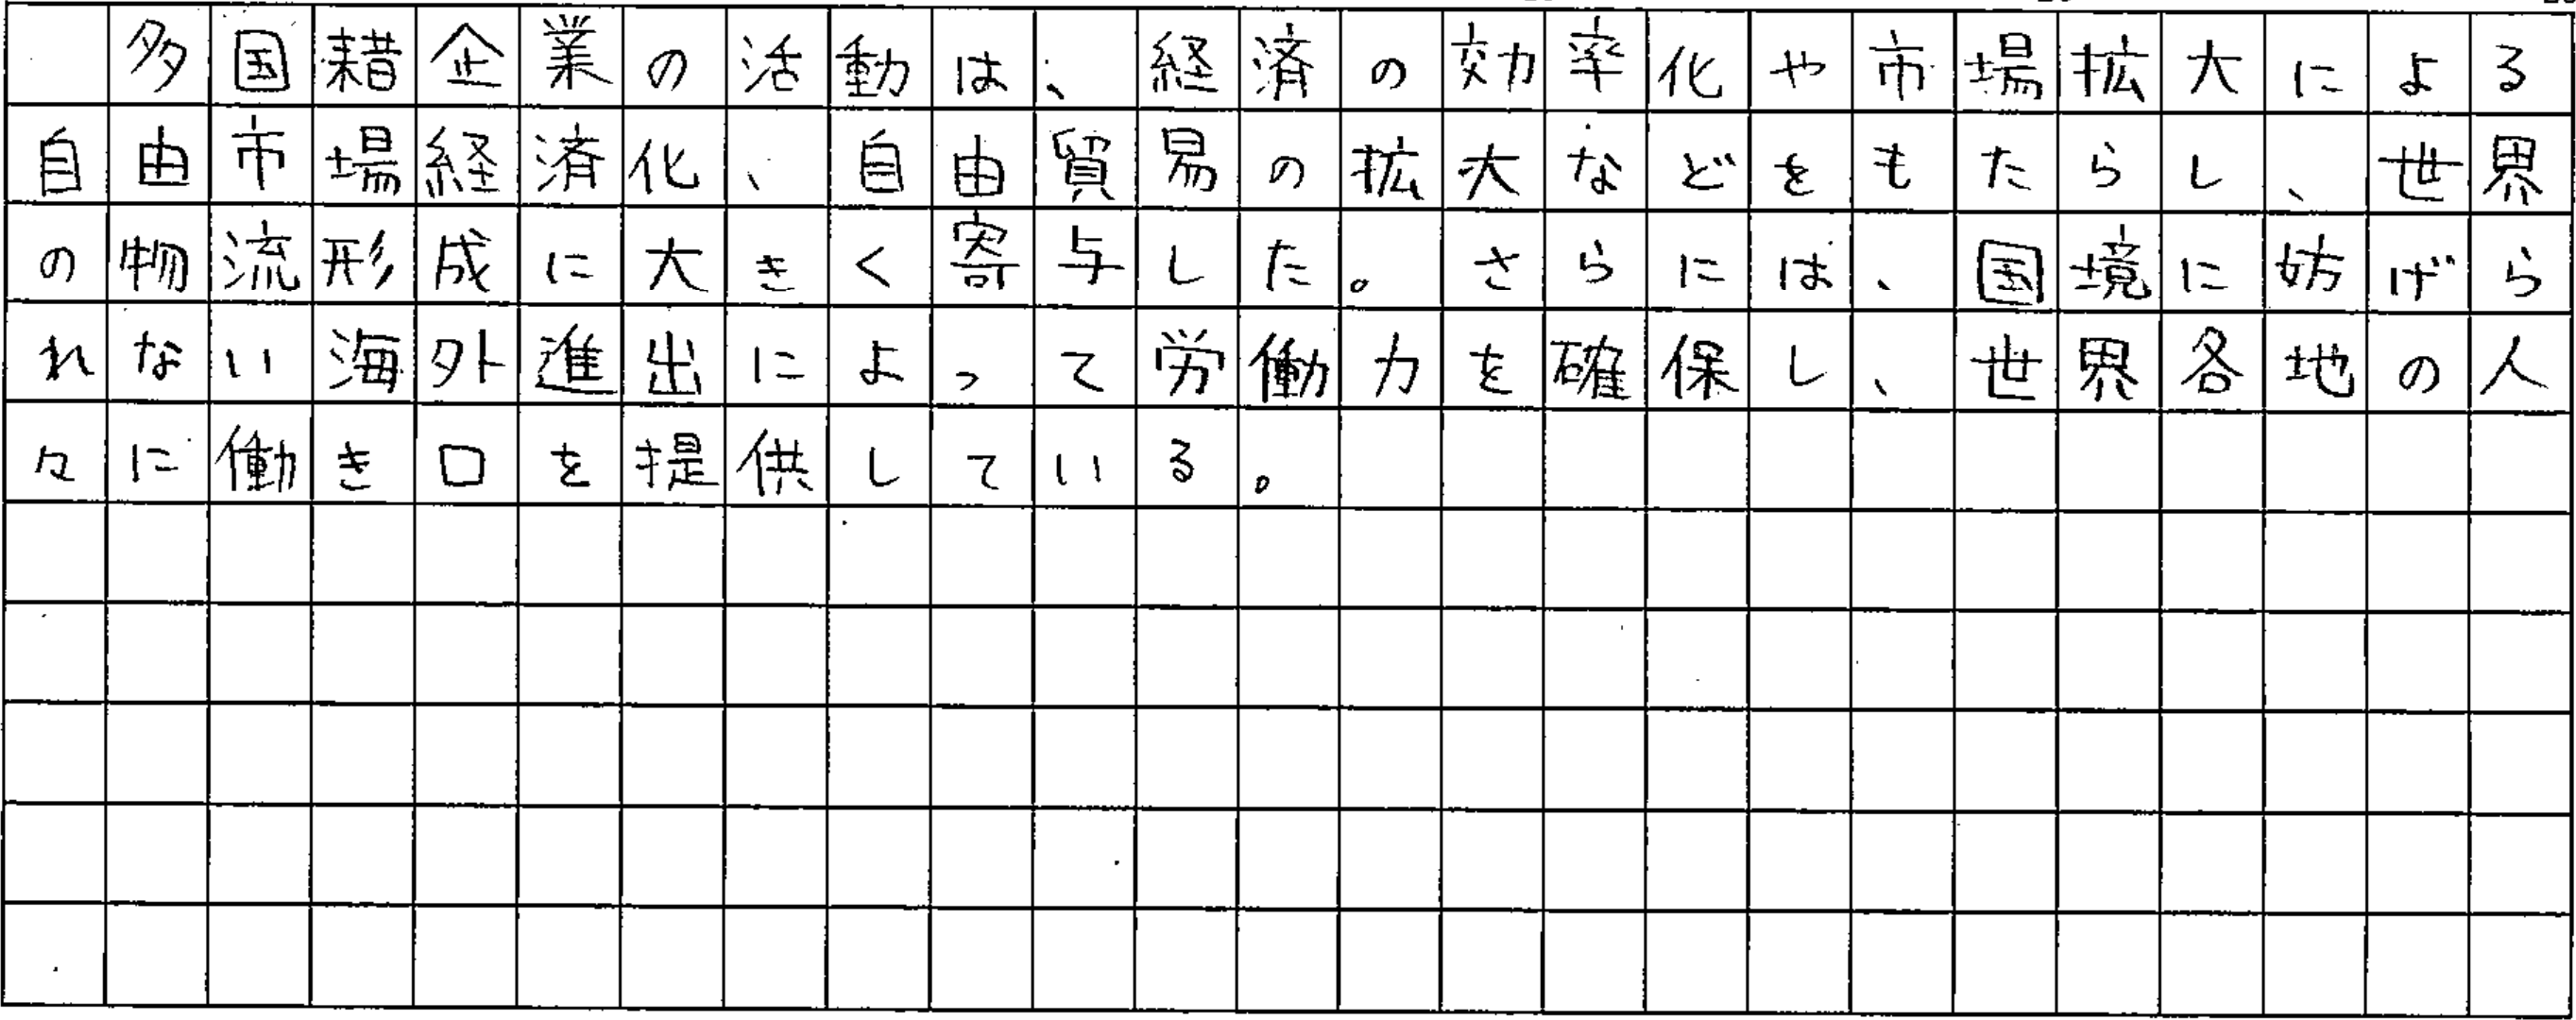　多国▁企業の活動は、経済の効率化や市場拡大による自由市場経済化、自由貿易の拡大などをもたらし、世界の物流形成に大きく寄与した。さらには、国境に妨げられない海外進出によって労働力を確保し、世界各地の人々に働き口を提供している。
